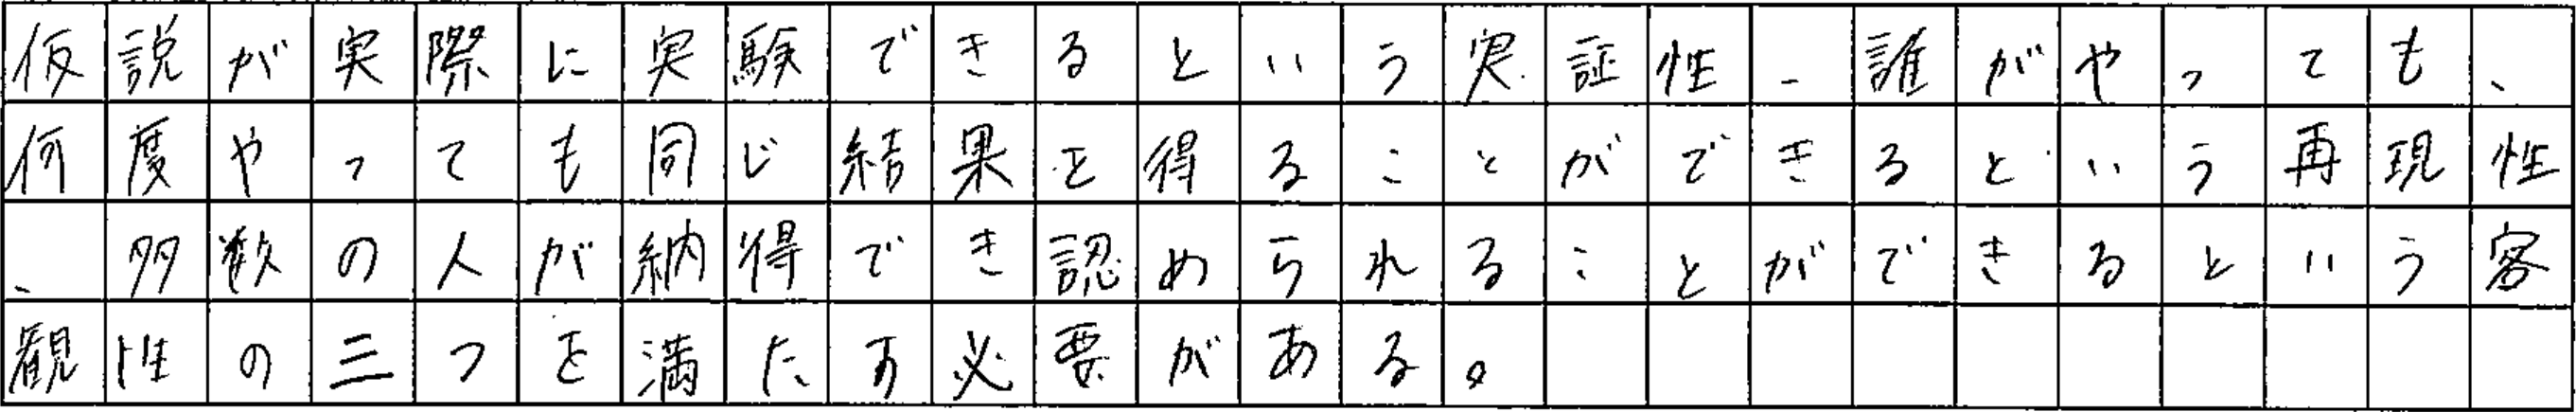仮説が実際に実験できるという実証性、誰がやっても、何度やっても同じ結果を得ることができるという再現性、多数の人が納得でき認められることができるという客観性の三つを満たす必要がある。
